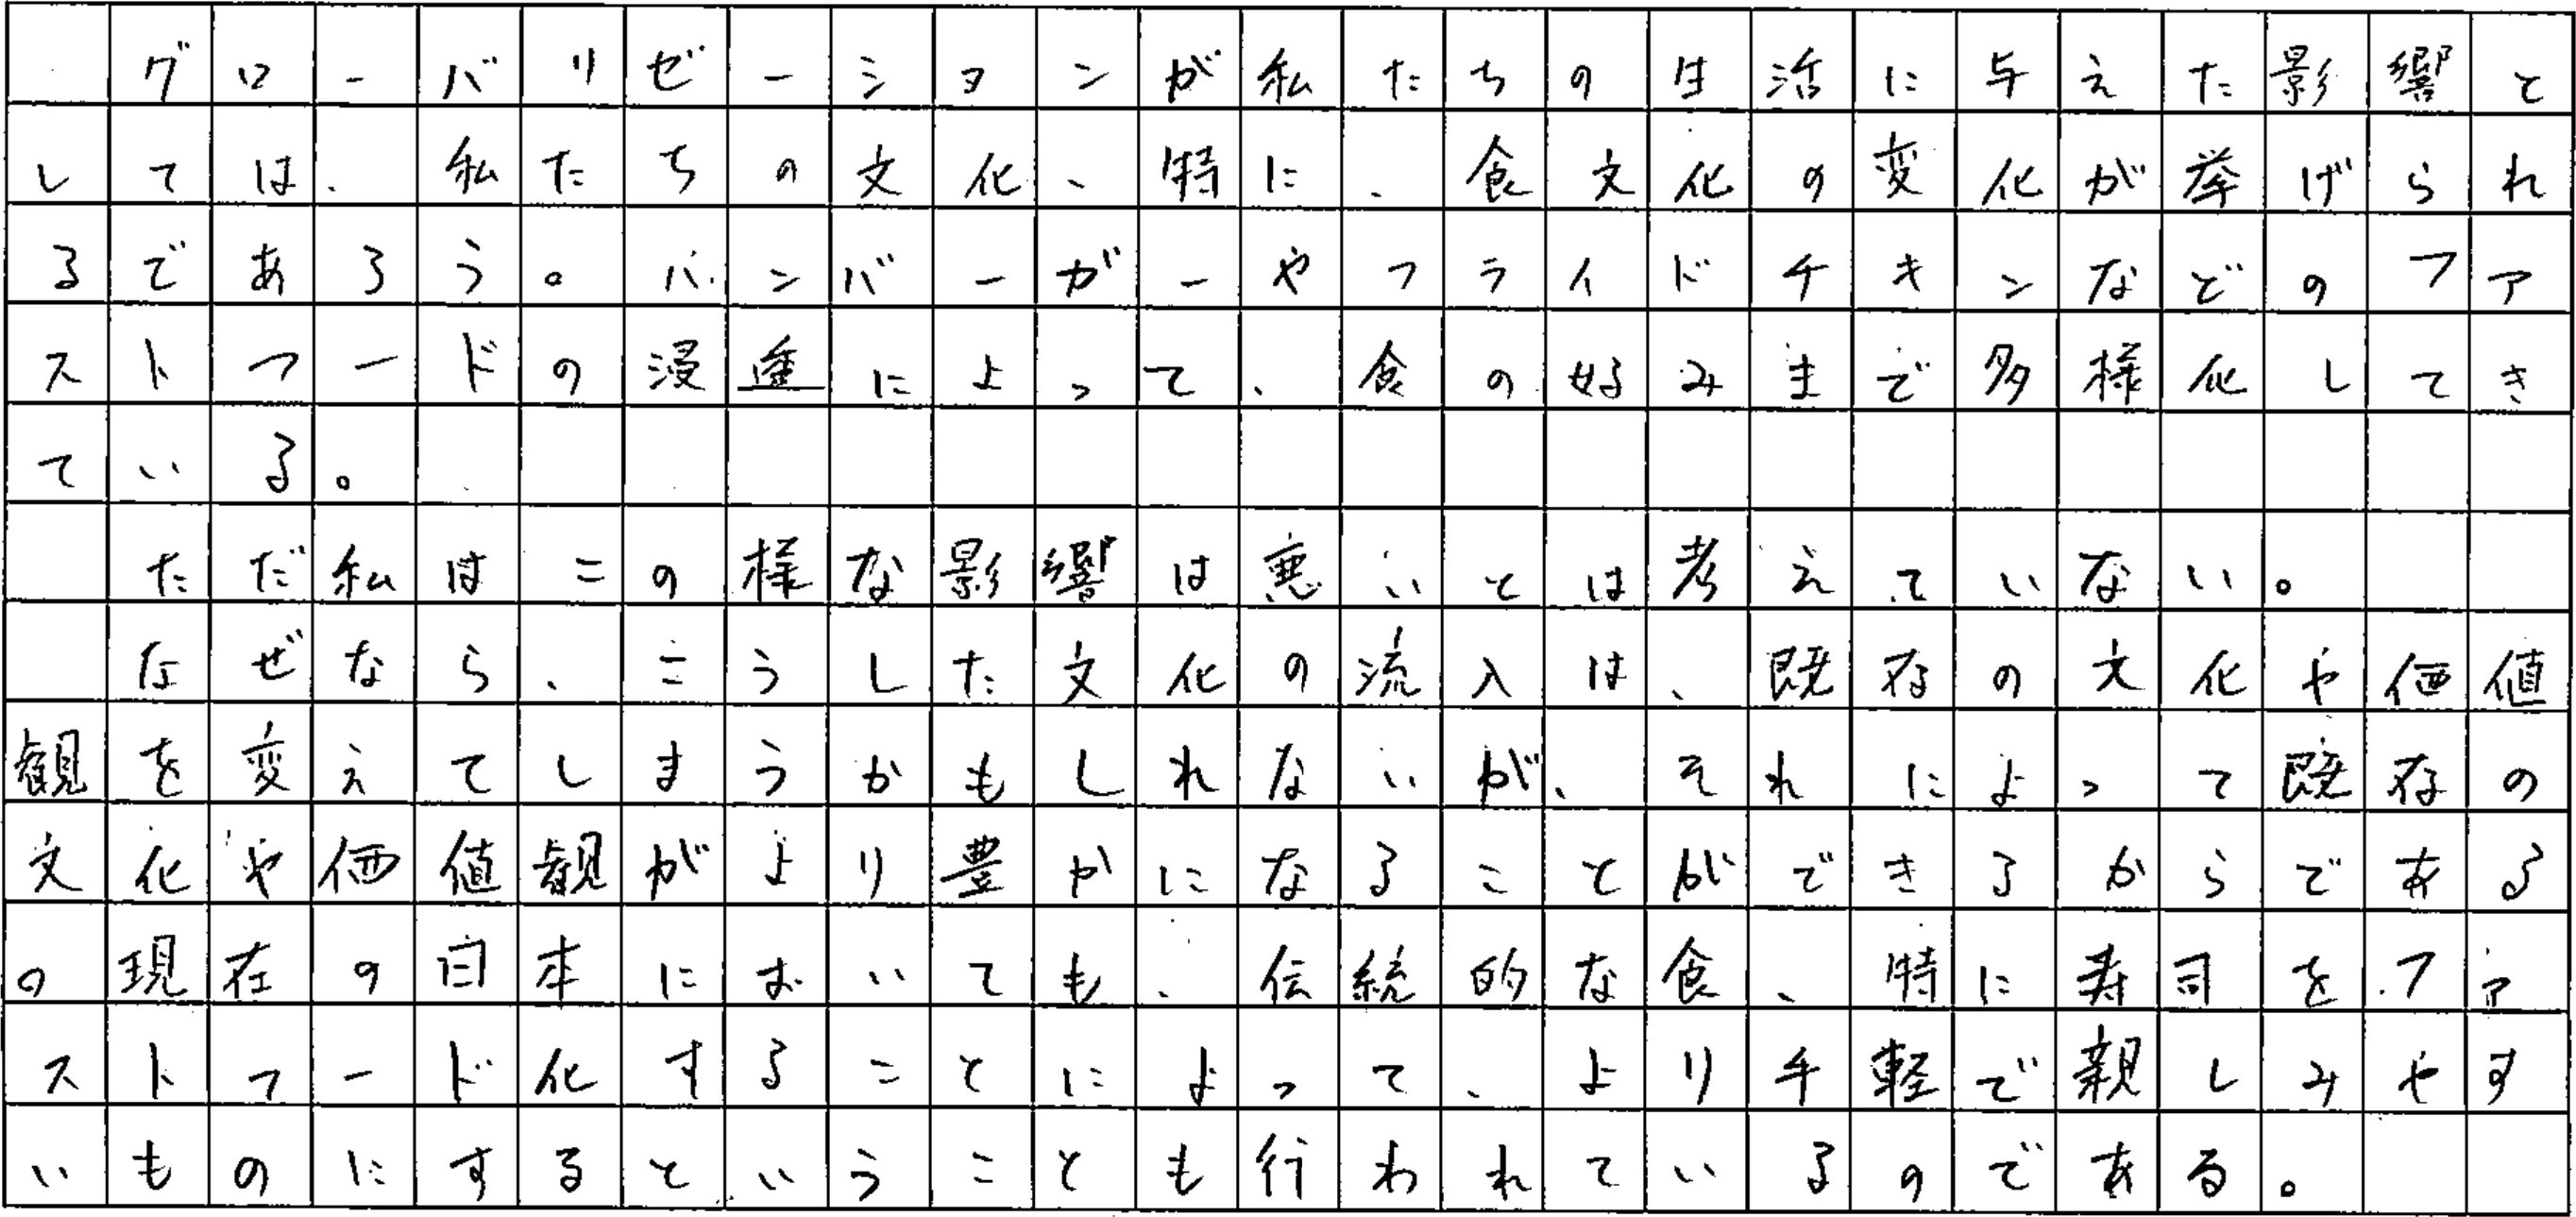　グローバリゼーションが私たちの生活に与えた影響としては、私たちの文化、特に、食文化の変化が挙げられるだろう。ハンバーガーやフライドチキンなどのファストフードの浸透によって、食の好みまで多様化してきている。
　ただ私たちはこの様な影響は悪いとは考えていない。
　なぜなら、こうした文化の流入は、既存の文化や価値観を変えてしまうかもしれないが、それによって既存の文化や価値観がより豊かになることができるからである。現在の日本においても、伝統的な食、特に寿司をファストフード化することによって、より手軽で親しみやすいものにするということも行われているのである。
